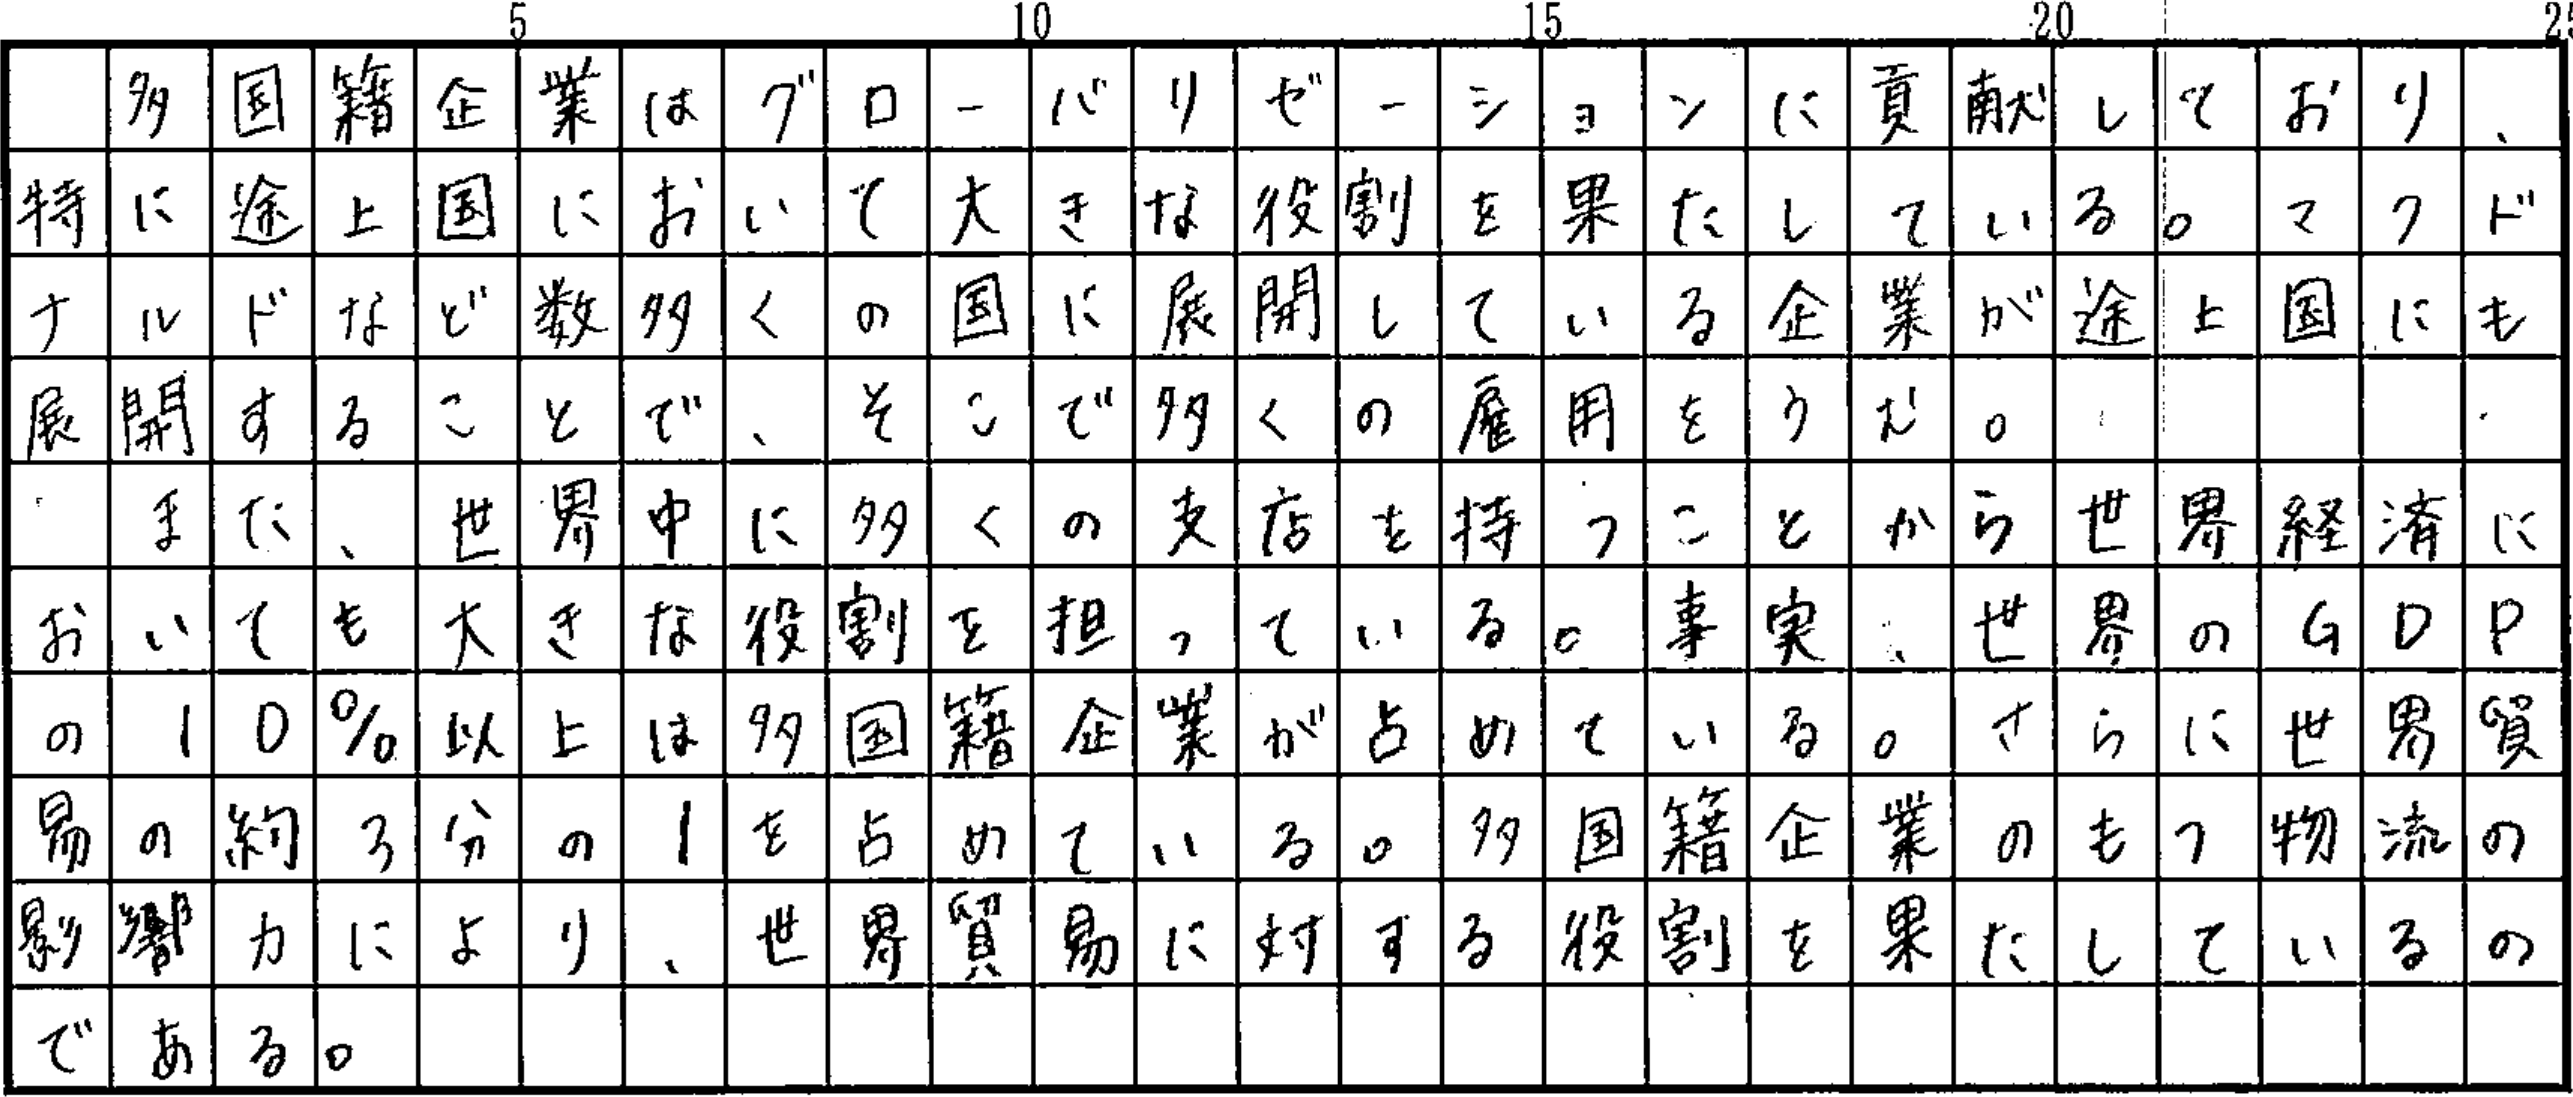　多国籍企業はグローバリゼーションに貢献しており、特に途上国において大きな役割を果たしている。マクドナルドなど数多くの国に展開している企業が途上国にも展開することで、そこで多くの雇用をうむ。
　また、世界中に多くの支店を持つことから世界経済においても大きな役割を担っている。事実、世界のＧＤＰの１０％以上は多国籍企業が占めている。さらに世界貿易の約３分の１を占めている。多国籍企業のもつ物流の影響力により、世界貿易に対する役割を果たしているのである。
